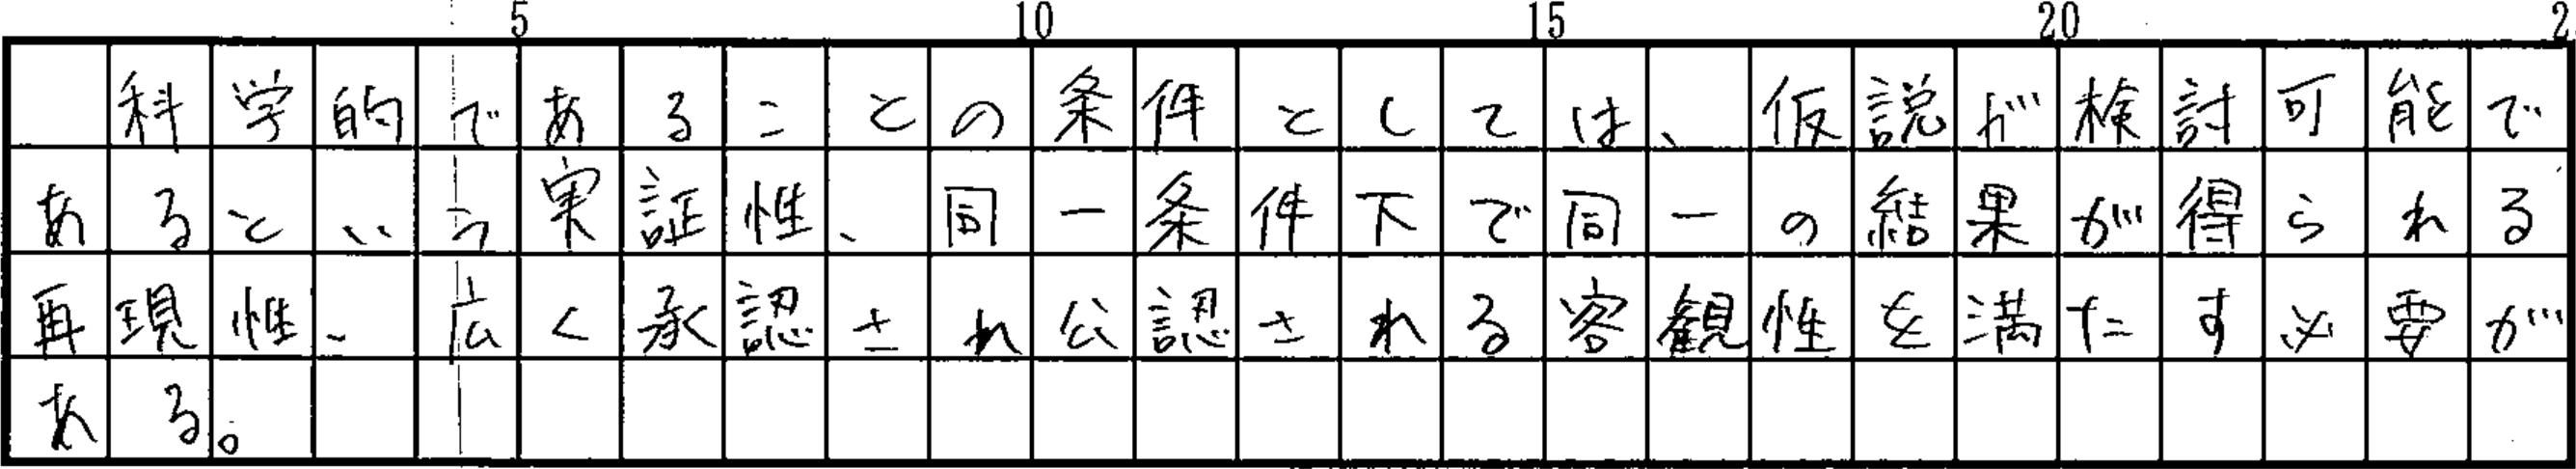　科学的であることの条件としては、仮説が検討可能であるという実証性、同一条件下で同一の結果が得られる再現性、広く承認され公認される客観性を満たす必要がある。
